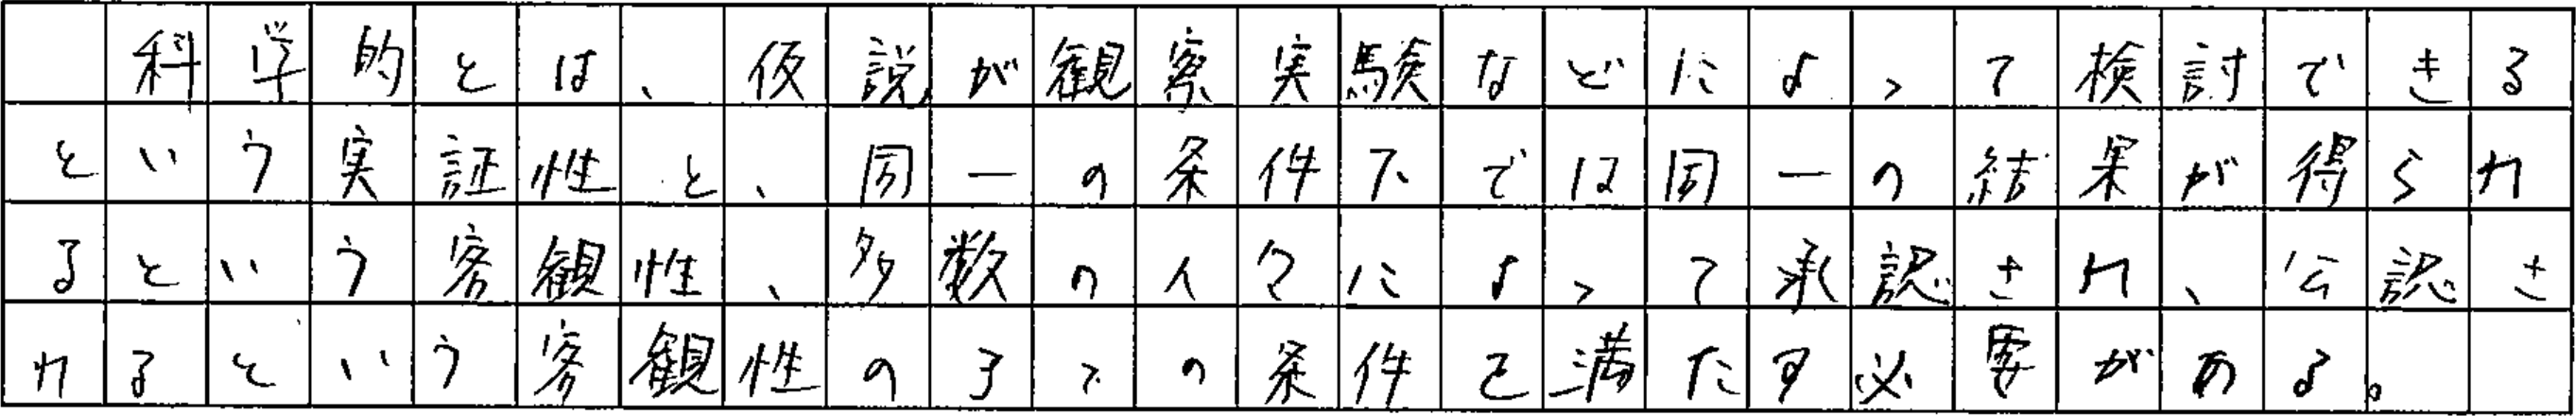　科学的とは、仮説が観察実験などによって検討できるという実証性と、同一の条件下では同一の結果が得られるという客観性、多数の人々によって承認され、公認されるという客観性の３つの条件を満たす必要がある。
